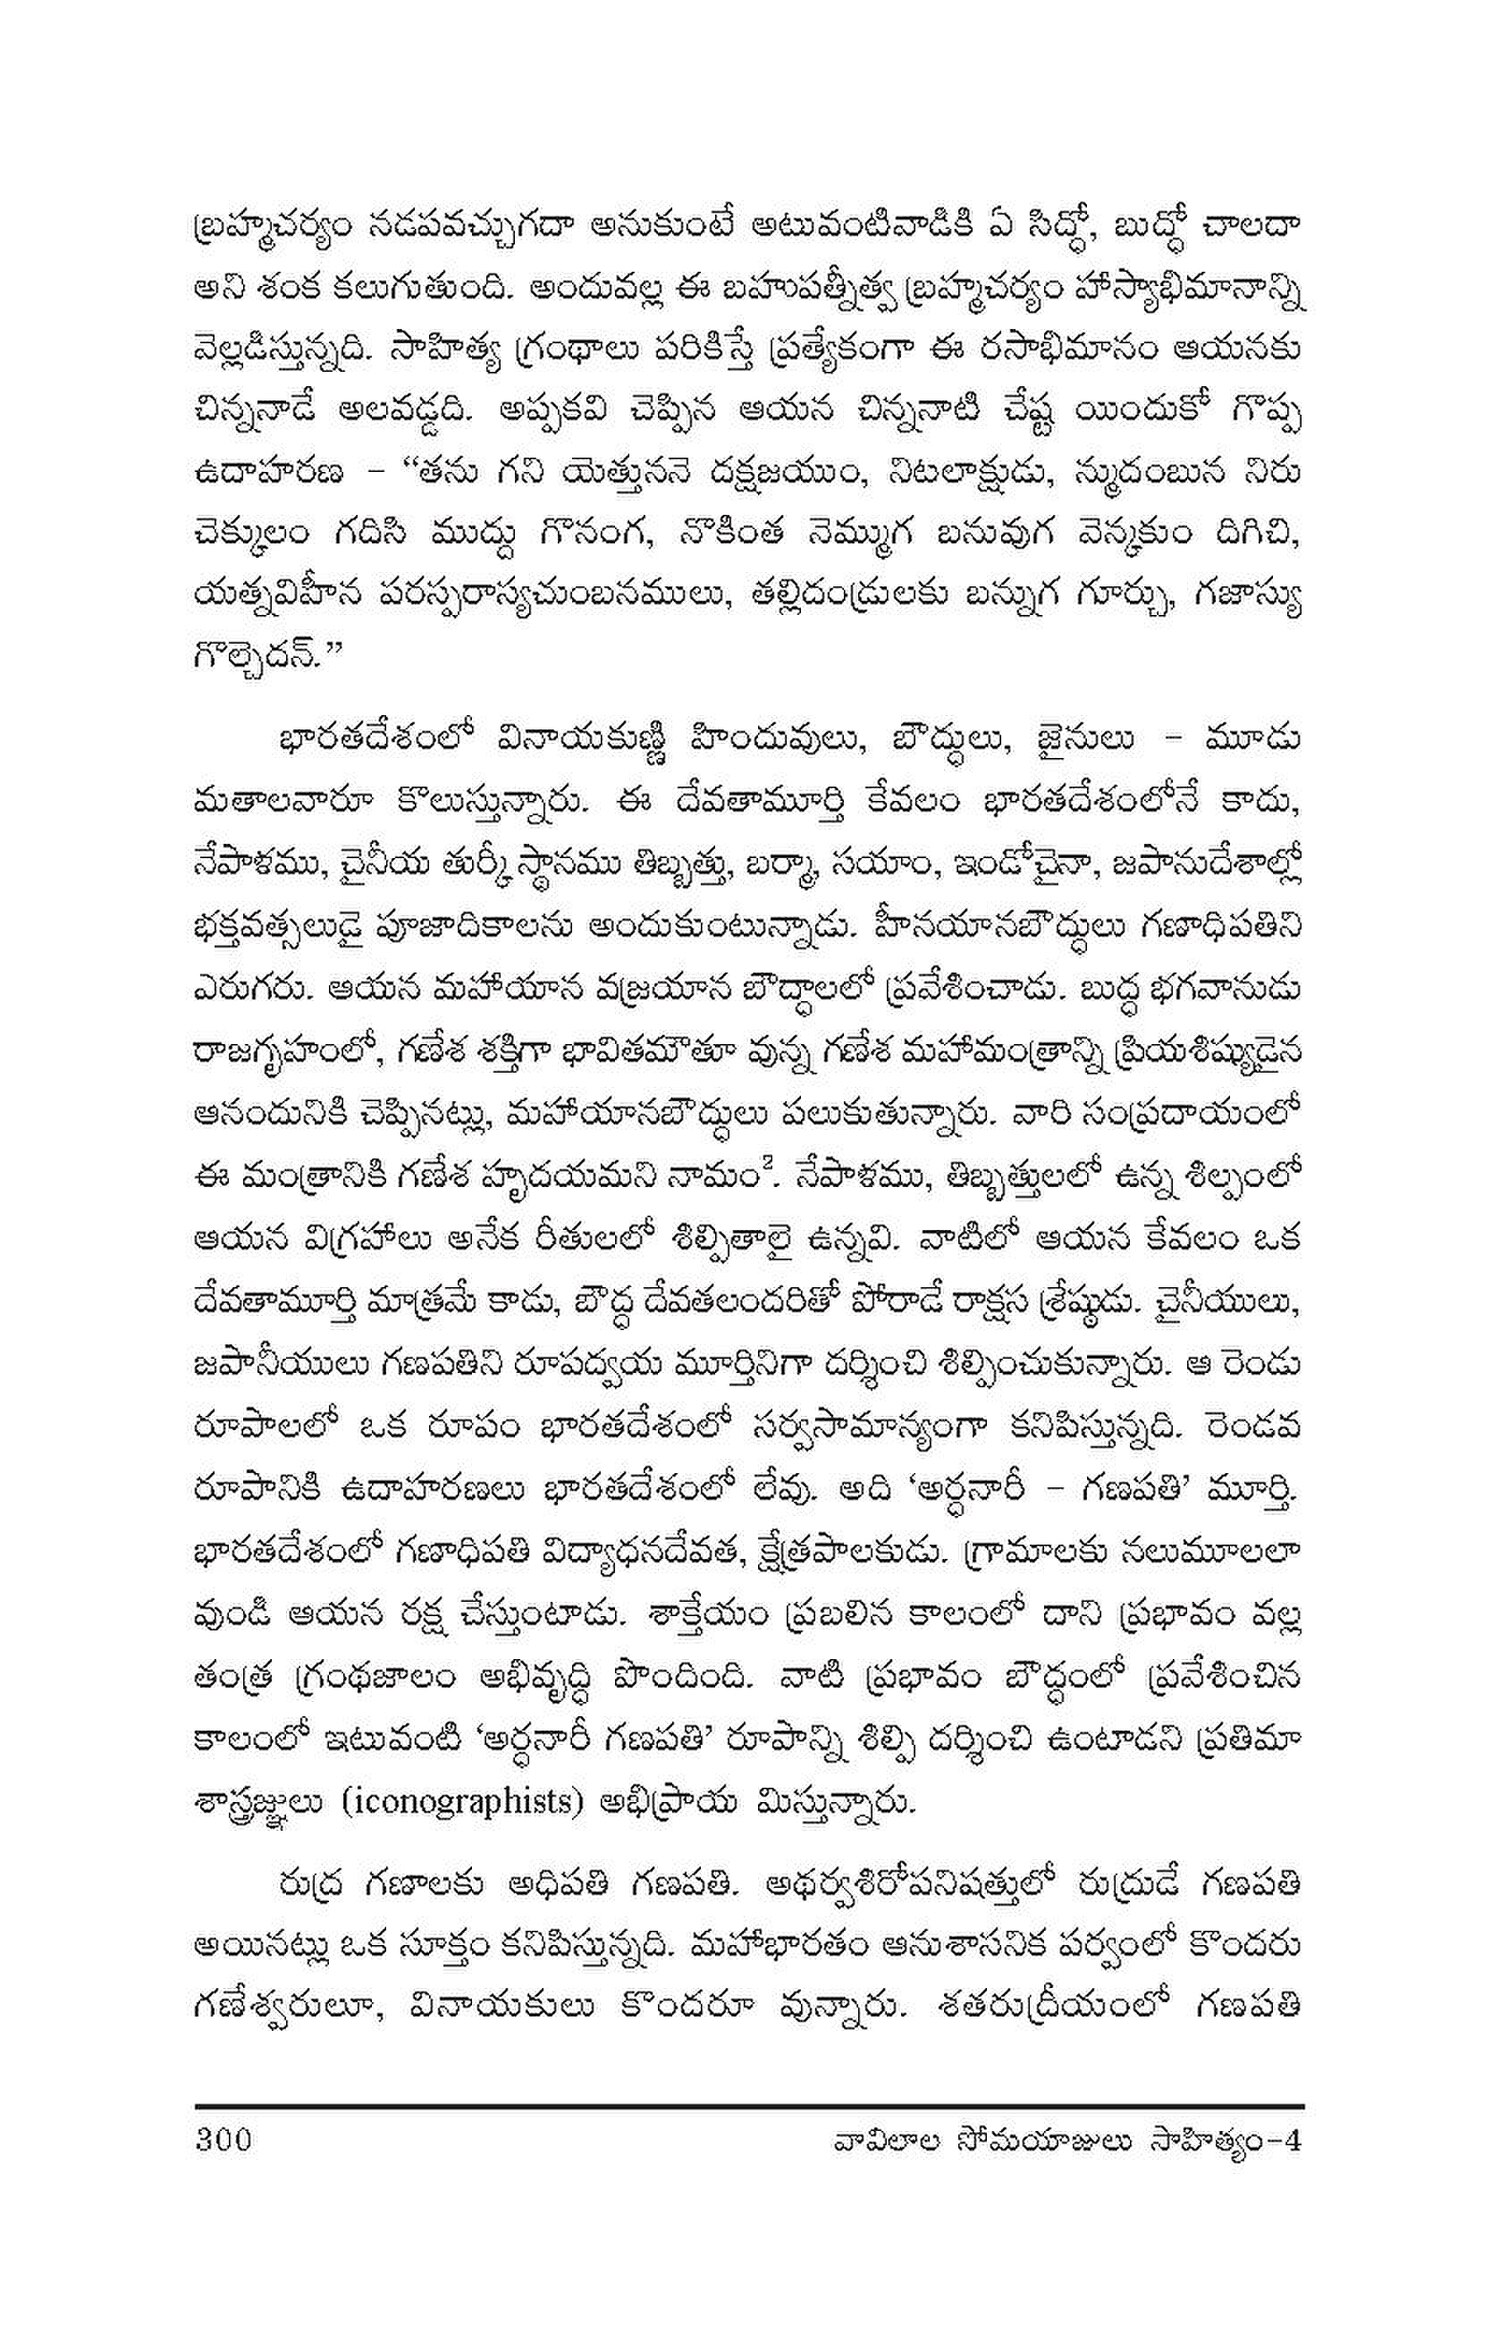బ్రహ్మచర్యం నడపవచ్చుగదా అనుకుంటే అటువంటివాడికి ఏ సిద్ధి, బుద్ధి చాలదా
అని శంక కలుగుతుంది. అందువల్ల ఈ బహుపత్నీత్వ బ్రహ్మచర్యం హాస్యాభిమానాన్ని
వెల్లడిస్తున్నది. సాహిత్య గ్రంథాలు పరికిస్తే ప్రత్యేకంగా ఈ రసాభిమానం ఆయనకు
చిన్ననాడే అలవడ్డది. అప్పకవి చెప్పిన ఆయన చిన్ననాటి చేష్ట యిందుకో గొప్ప
ఉదాహరణ - "తను గని యెత్తుననె దక్షజయం, నిటలాక్షుడు, న్ముదంబున నిరు
చెక్కులం గదిసి ముద్దు గొనంగ, నొకింత నెమ్ముగ బనువుగ వెన్కకుం దిగిచి,
యత్నవిహీన పరస్పరాస్యచుంబనములు, తల్లిదండ్రులకు బన్నుగ గూర్చు, గజాస్యు
గొల్చెదన్.”

భారతదేశంలో వినాయకుణ్ణి హిందువులు, బౌద్ధులు, జైనులు మూడు
మతాలవారూ కొలుస్తున్నారు. ఈ దేవతామూర్తి కేవలం భారతదేశంలోనే కాదు,
నేపాళము, చైనీయ తుర్కీ స్థానము తిబ్బత్తు, బర్మా, సయాం, ఇండోచైనా, జపానుదేశాల్లో
భక్తవత్సలుడై పూజాదికాలను అందుకుంటున్నాడు. హీనయానబౌద్ధులు గణాధిపతిని
ఎరుగరు. ఆయన మహాయాన వజ్రయాన బౌద్ధాలలో ప్రవేశించాడు. బుద్ధ భగవానుడు
రాజగృహంలో, గణేశ శక్తిగా భావితమౌతూ వున్న గణేశ మహామంత్రాన్ని ప్రియశిష్యుడైన
ఆనందునికి చెప్పినట్లు, మహాయానబౌద్దులు పలుకుతున్నారు. వారి సంప్రదాయంలో
ఈ మంత్రానికి గణేశ హృదయమని నామం'2. నేపాళము, తిబ్బత్తులలో ఉన్న శిల్పంలో
ఆయన విగ్రహాలు అనేక రీతులలో శిల్పితాలై ఉన్నవి. వాటిలో ఆయన కేవలం ఒక
దేవతామూర్తి మాత్రమే కాడు, బౌద్ధ దేవతలందరితో పోరాడే రాక్షస శ్రేష్ఠుడు. చైనీయులు,
జపానీయులు గణపతిని రూపద్వయ మూర్తినిగా దర్శించి శిల్పించుకున్నారు. ఆ రెండు
రూపాలలో ఒక రూపం భారతదేశంలో సర్వసామాన్యంగా కనిపిస్తున్నది. రెండవ
రూపానికి ఉదాహరణలు భారతదేశంలో లేవు. అది 'అర్ధనారీ - గణపతి' మూర్తి.
భారతదేశంలో గణాధిపతి విద్యాధనదేవత, క్షేత్రపాలకుడు. గ్రామాలకు నలుమూలలా
వుండి ఆయన రక్ష చేస్తుంటాడు. శాక్తేయం ప్రబలిన కాలంలో దాని ప్రభావం వల్ల
తంత్ర గ్రంథజాలం అభివృద్ధి పొందింది. వాటి ప్రభావం బౌద్ధంలో ప్రవేశించిన
కాలంలో ఇటువంటి 'అర్ధనారీ గణపతి' రూపాన్ని శిల్పి దర్శించి ఉంటాడని ప్రతిమా
శాస్త్రజ్ఞులు (iconographists) అభిప్రాయ మిస్తున్నారు.

రుద్ర గణాలకు అధిపతి గణపతి. అథర్వశిరోపనిషత్తులో రుద్రుడే గణపతి
అయినట్లు ఒక సూక్తం కనిపిస్తున్నది. మహాభారతం ఆనుశాసనిక పర్వంలో కొందరు
గణేశ్వరులూ, వినాయకులు కొందరూ వున్నారు. శతరుద్రీయంలో గణపతి